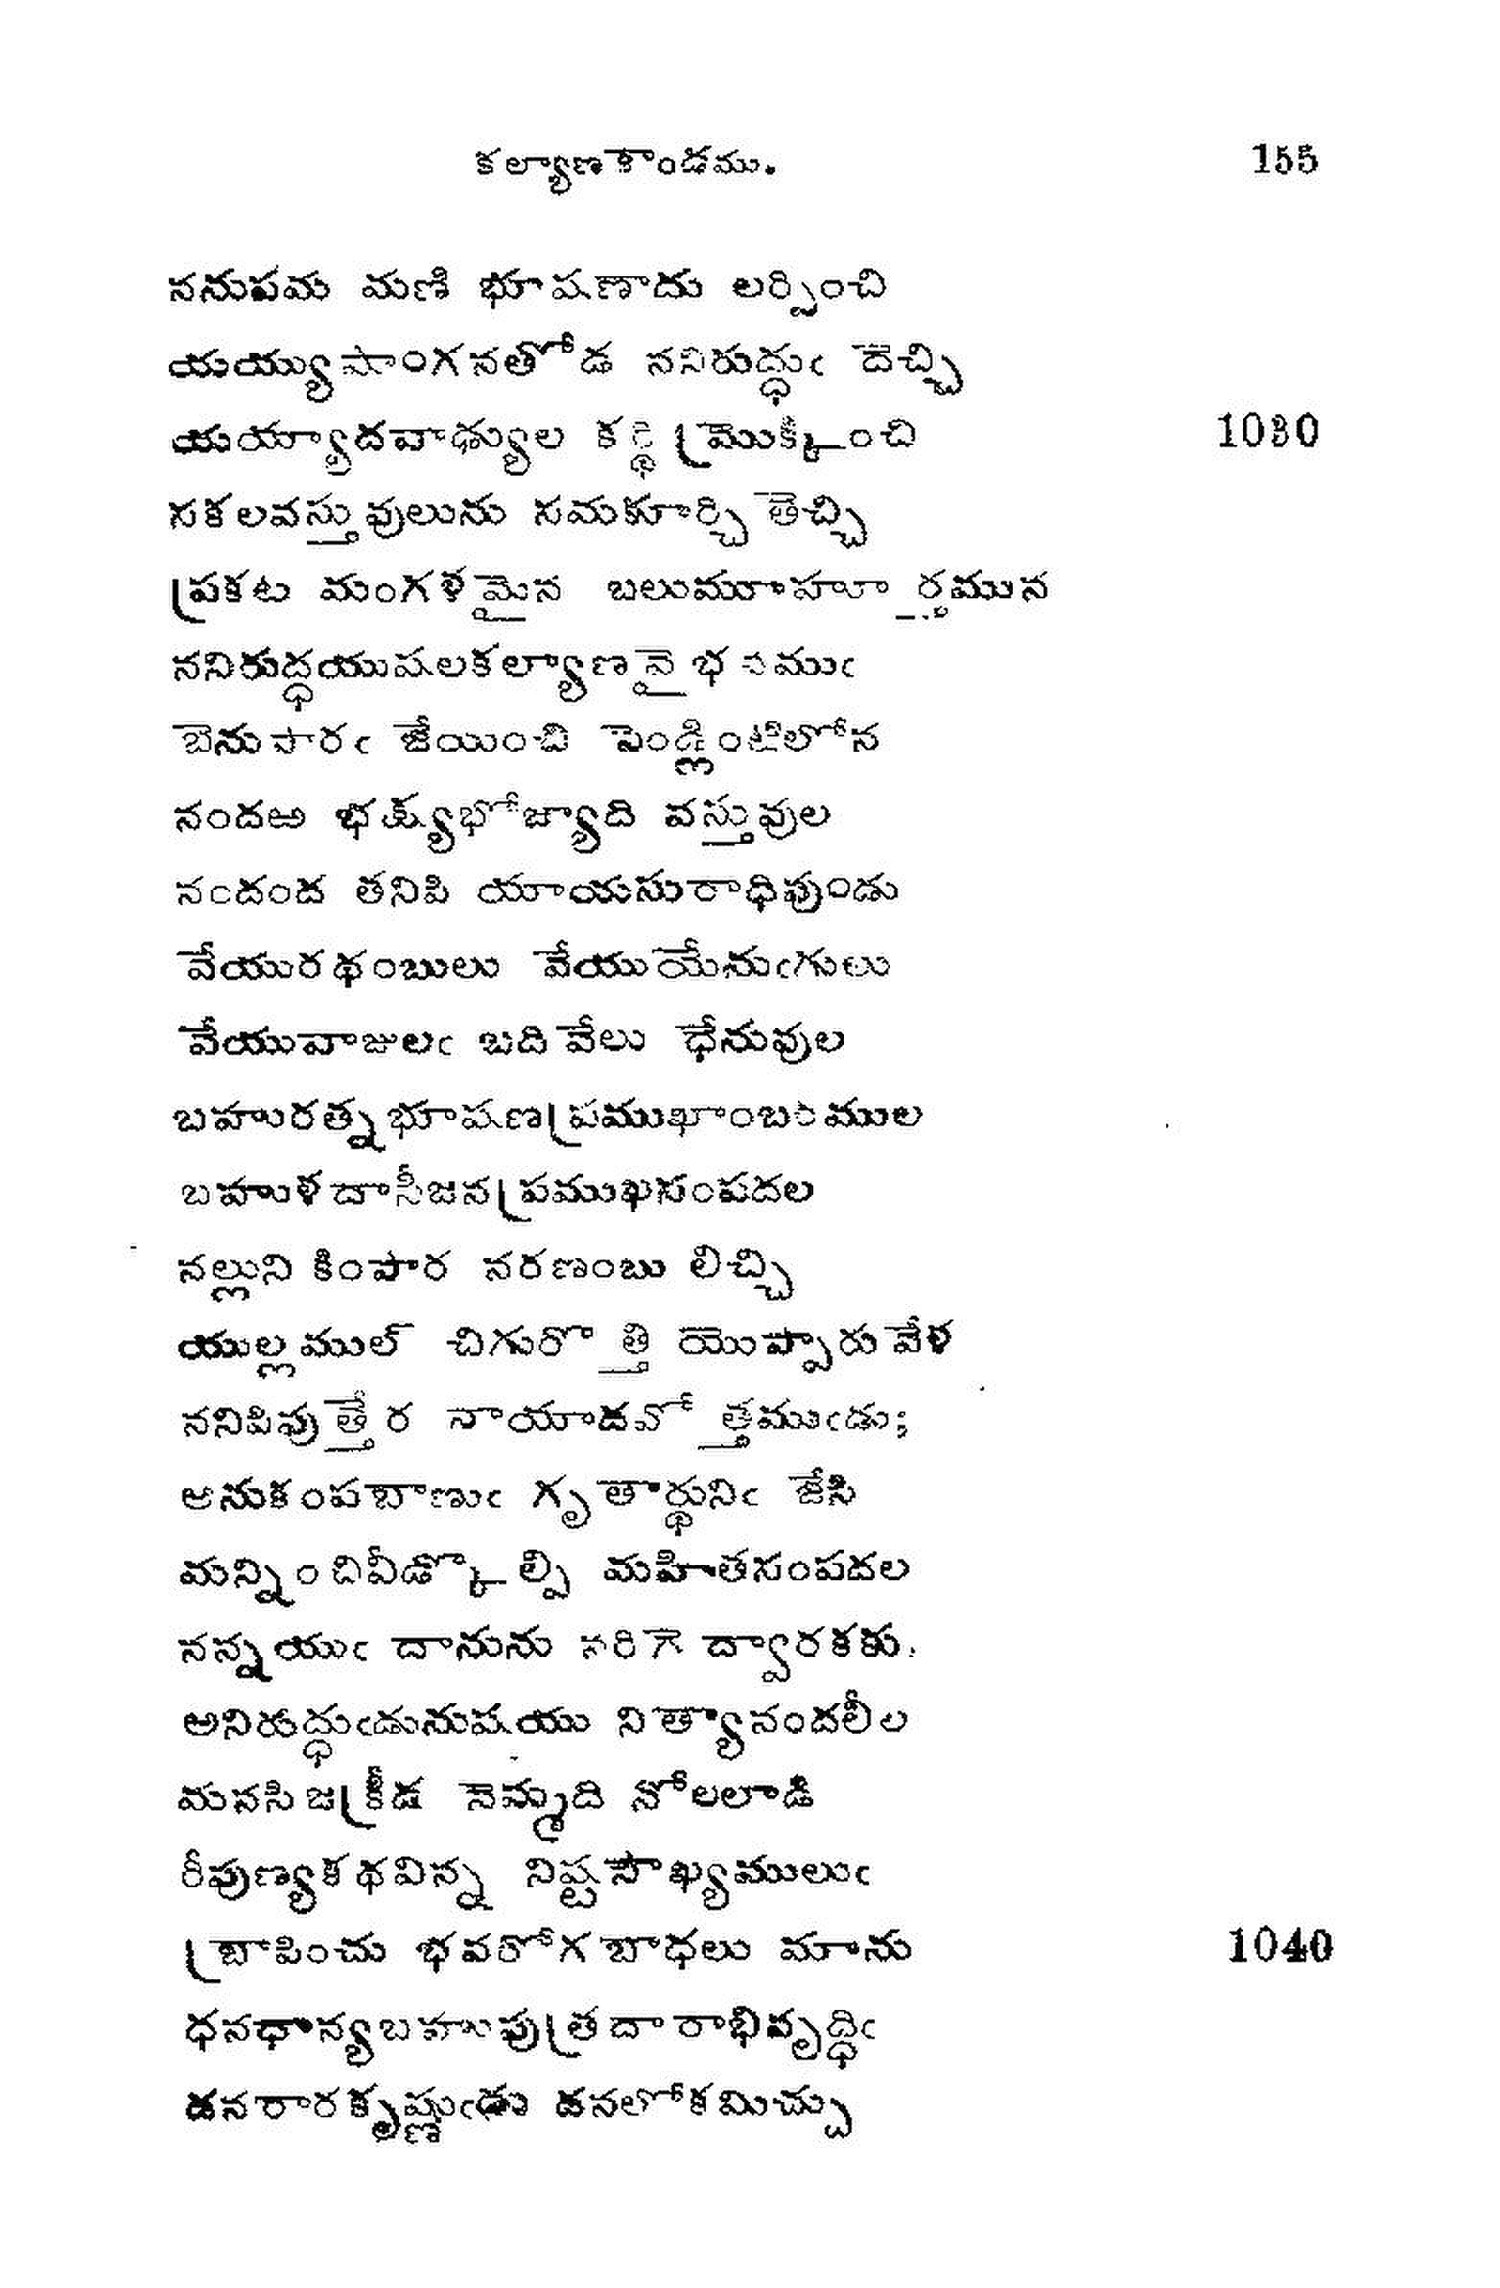ననుపమ మణి భూషణాదులర్పించి
యయ్యుషాంగనతోడ ననిరుద్ధుఁదెచ్చి
యయ్యాదవాఢ్యుల కర్ధి మ్రొక్కించి1030
సకలవస్తువులను సమకూర్చి తెచ్చి 
ప్రకట మంగళమైన బల్ముహూర్తమున
ననిరుద్ధయుషలకల్యాణవైభవముఁ
బెనుపారఁ జేయించి పెండ్లింటిలోన
నందఱ భక్ష్యభోజ్యాది వస్తువుల
నందంద తనిపి యాయసురాధిపుండు 
వేయురథంబులు వేయుయేనుఁగులు
వేయువాజులఁ బదివేలు ధేనువుల
బహురత్నభూషణప్రముఖాంబరముల
బహుళ దాసీజన ప్రముఖసంపదల
నల్లునికింపార నరణంబు లిచ్చి
యుల్లముల్ చిగురొత్తి యొప్పారువేళ
ననిపివుత్తేర నాయాదవోత్తముఁడు; 
అనుకంపబాణుఁ గృతార్థునిఁ జేసి
మన్నించి వీడ్కొల్పి మహితసంపదల
నన్నయుఁ దానును నరిగె ద్వారకకు. 
అనిరుద్ధుఁడునుష నిత్యానందలీల
మనసిజక్రీడ నెమ్మది నోలలాడి
రీపుణ్యకథవిన్న నిష్టసౌఖ్యములుఁ 
బ్రాపించు భవరోగబాధలు మాను
ధనధాన్యబహుపుత్రదారాభివృద్ధిఁ
దనరారకృష్ణుఁడు దనలోకమిచ్చు